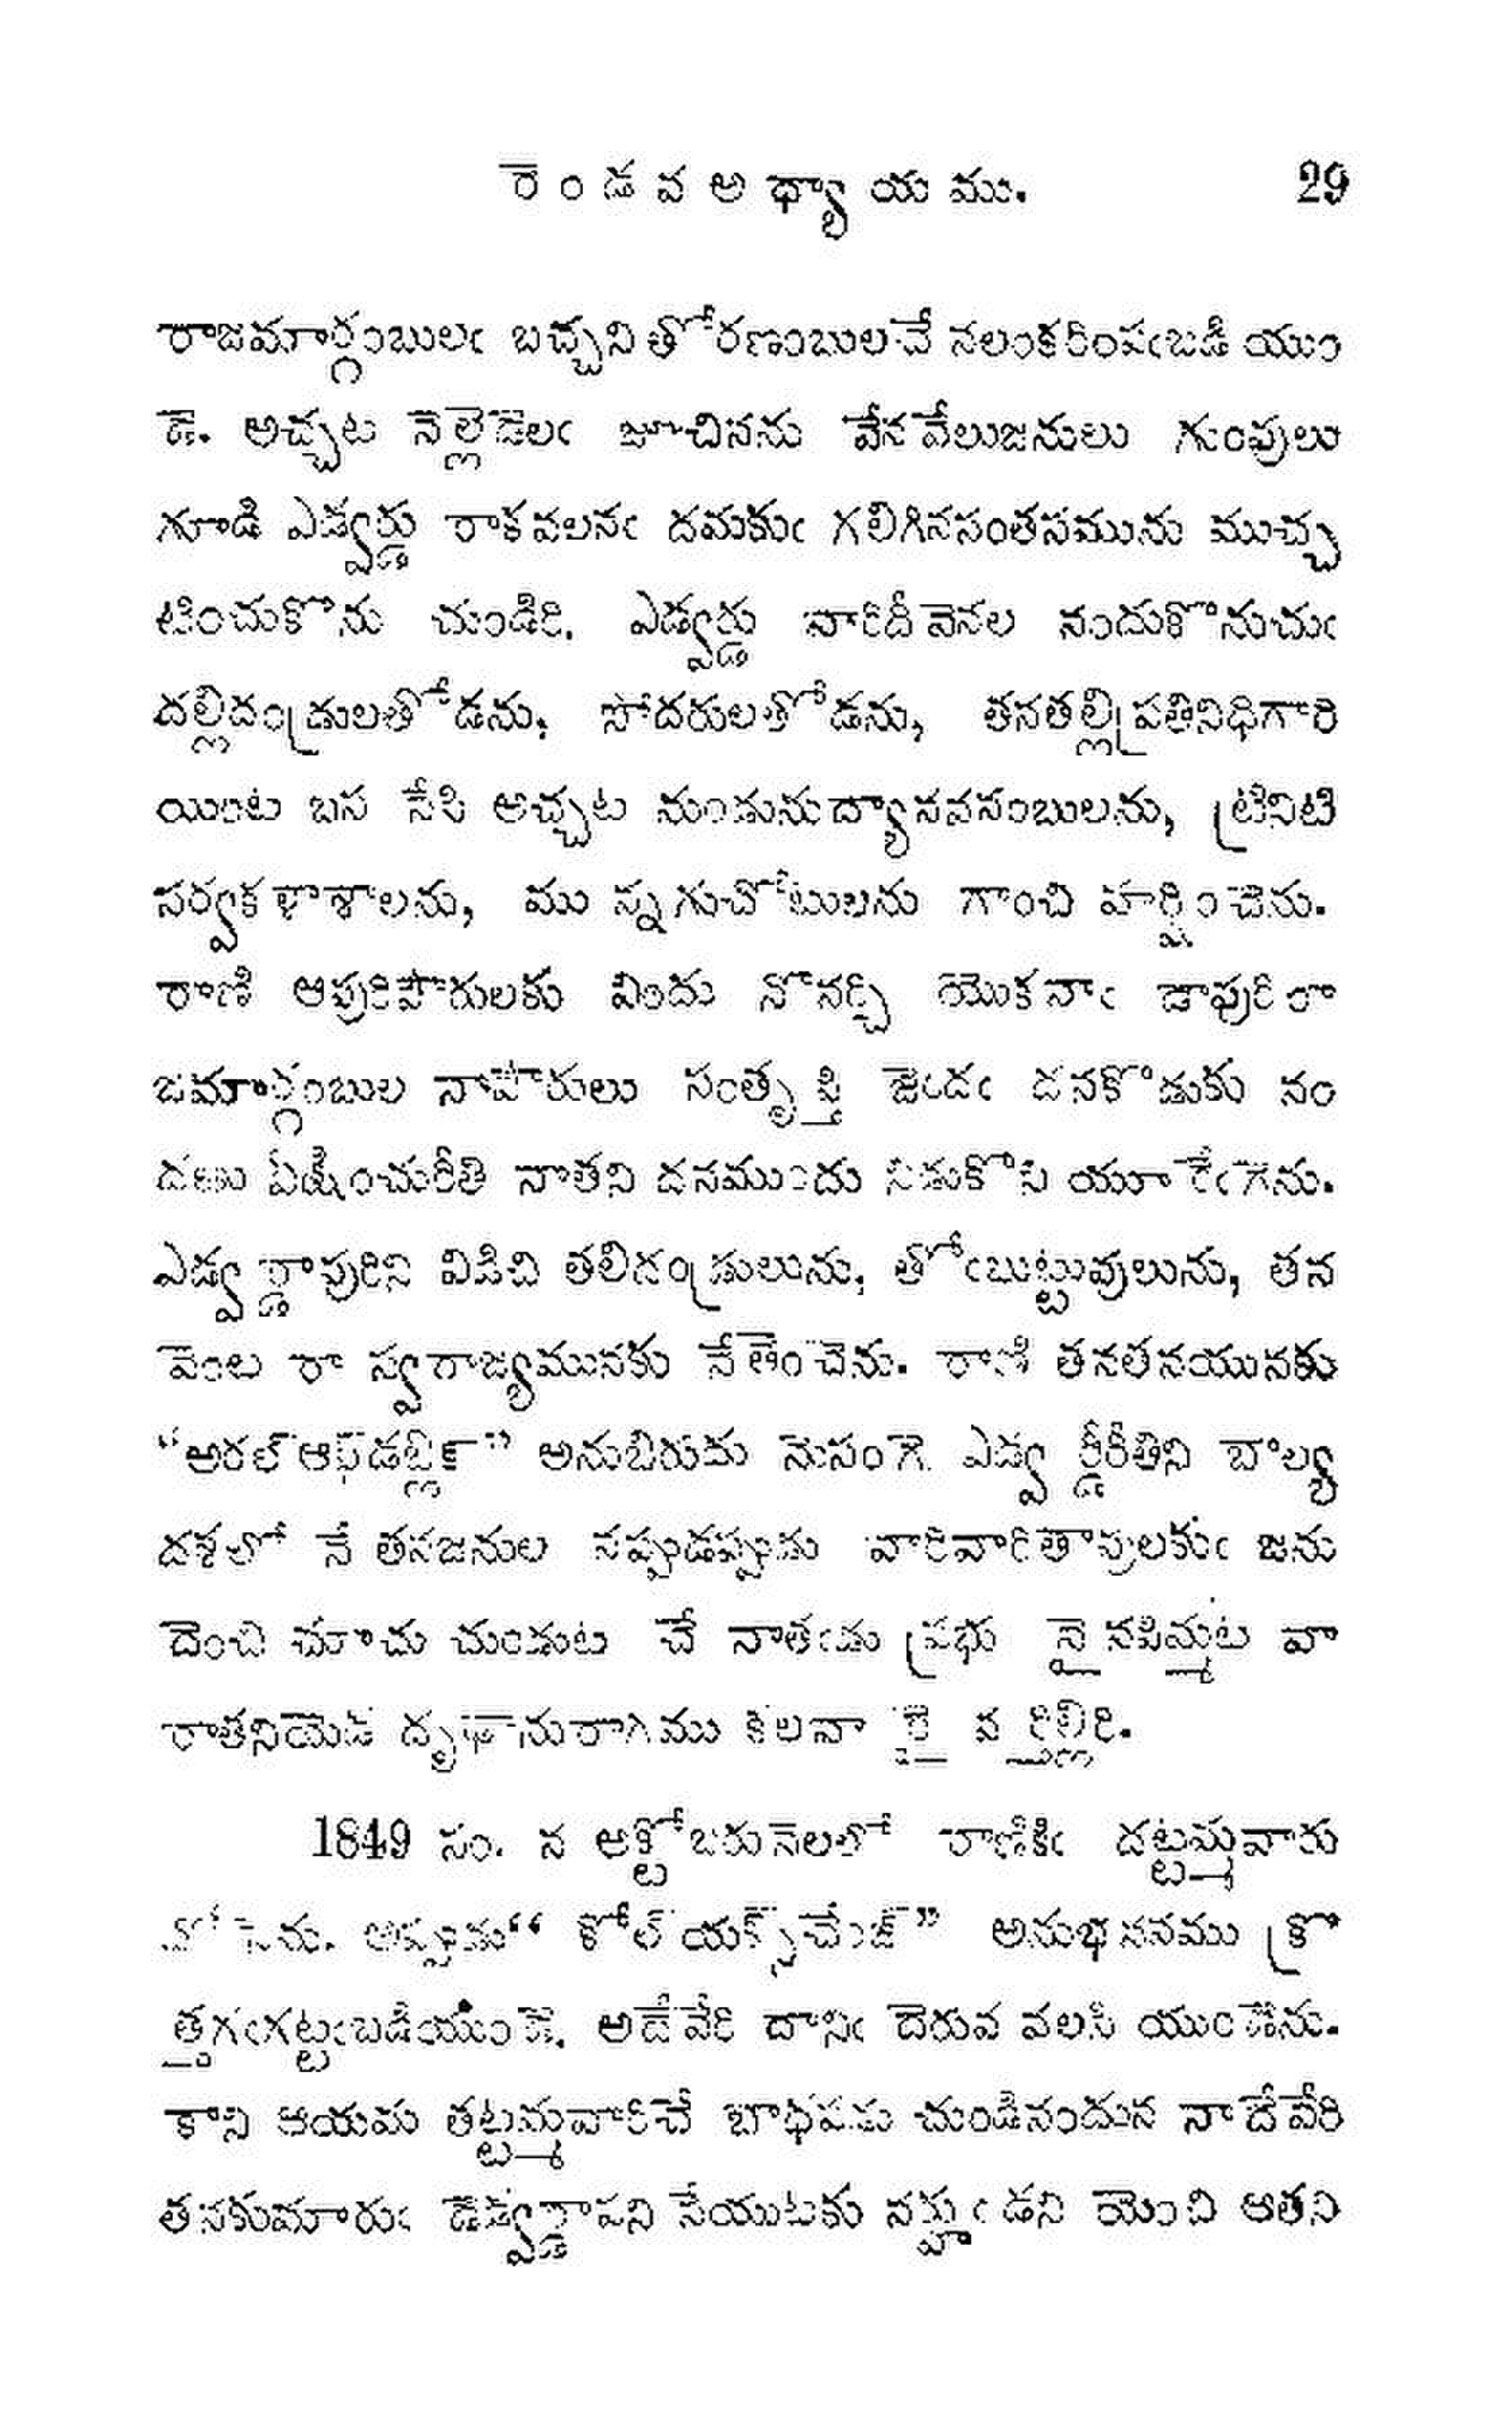రాజమార్గంబులఁ బచ్చని తోరణంబులచే సలుకరింపబడి యుండె. అచ్చట నేల్లెడెల జూచినను 'వేన వేలుజనులు గుంపులు గూడి ఎడ్వర్లు రాకవలనఁ దమకుఁ గలిగిన సంతసమును ముచ్చ
టించుకొను చుండిరి. ఎడ్వర్డు వారీదీవెనల నందుకొనుచుఁదల్లిదండ్రులతోడను, సోదరుల తోడను, తనతల్లి ప్రతినిధిగారి యింట బస సేసి అచ్చట నుండునుద్యానవసంబులను, ట్రినిటి
సర్వకళాశాలను, మున్నగుచోటును గాంచి హర్షించెను.రాణి ఆపురి పౌరులకు విందు నొనర్చి యొక నా డాపురి రాజమార్గంబు బుల నాపౌరులు సంతృప్తి జెంద దనకొడుకు నందురు వీక్షించురీతి నాతని డనముందు ననుకోని యూ రేగేను.ఎడ్వ ర్డాపురిని విడిచి తలిదండ్రులును, తోబుట్టువులును, తనవెంట రా స్వరాజ్యమునకు నే తెం చెను. రాణి తనతనయునకు"అరల్ ఆఫ్ డబ్లీజ్ " అను బిరుదు -నొసంగె. ఎడ్వర్డీరీతిని బౌల్యదశలో నే తసజనుల నప్పుడప్పుడు వారివారి తాపులకుఁ జను
దెంచి చూచు చుండుట చే నాతడు ప్రభు వైనపిమ్మట"రాతనియెడ దృడానురాగము కలవారై వర్దిల్లిరి.

1849 సం. న అక్టోబరు నెలలో రాణికి దట్టమ్మ వారుబోసెను. అప్పుడు కోల్ యక్స్ చేంజ్ " అనుభవనము క్రొత్తగా గట్టబడియుండె, అదే వేరి దానిని దెరువ వలసి యుండెను.
కాని ఆయము తట్టమ్మవారిచే బాధపడుచుండినందున నాదేవేరితనకుమారు డెడ్వెర్డాపని సేయుటకు నర్హు డని యెంచి అతని